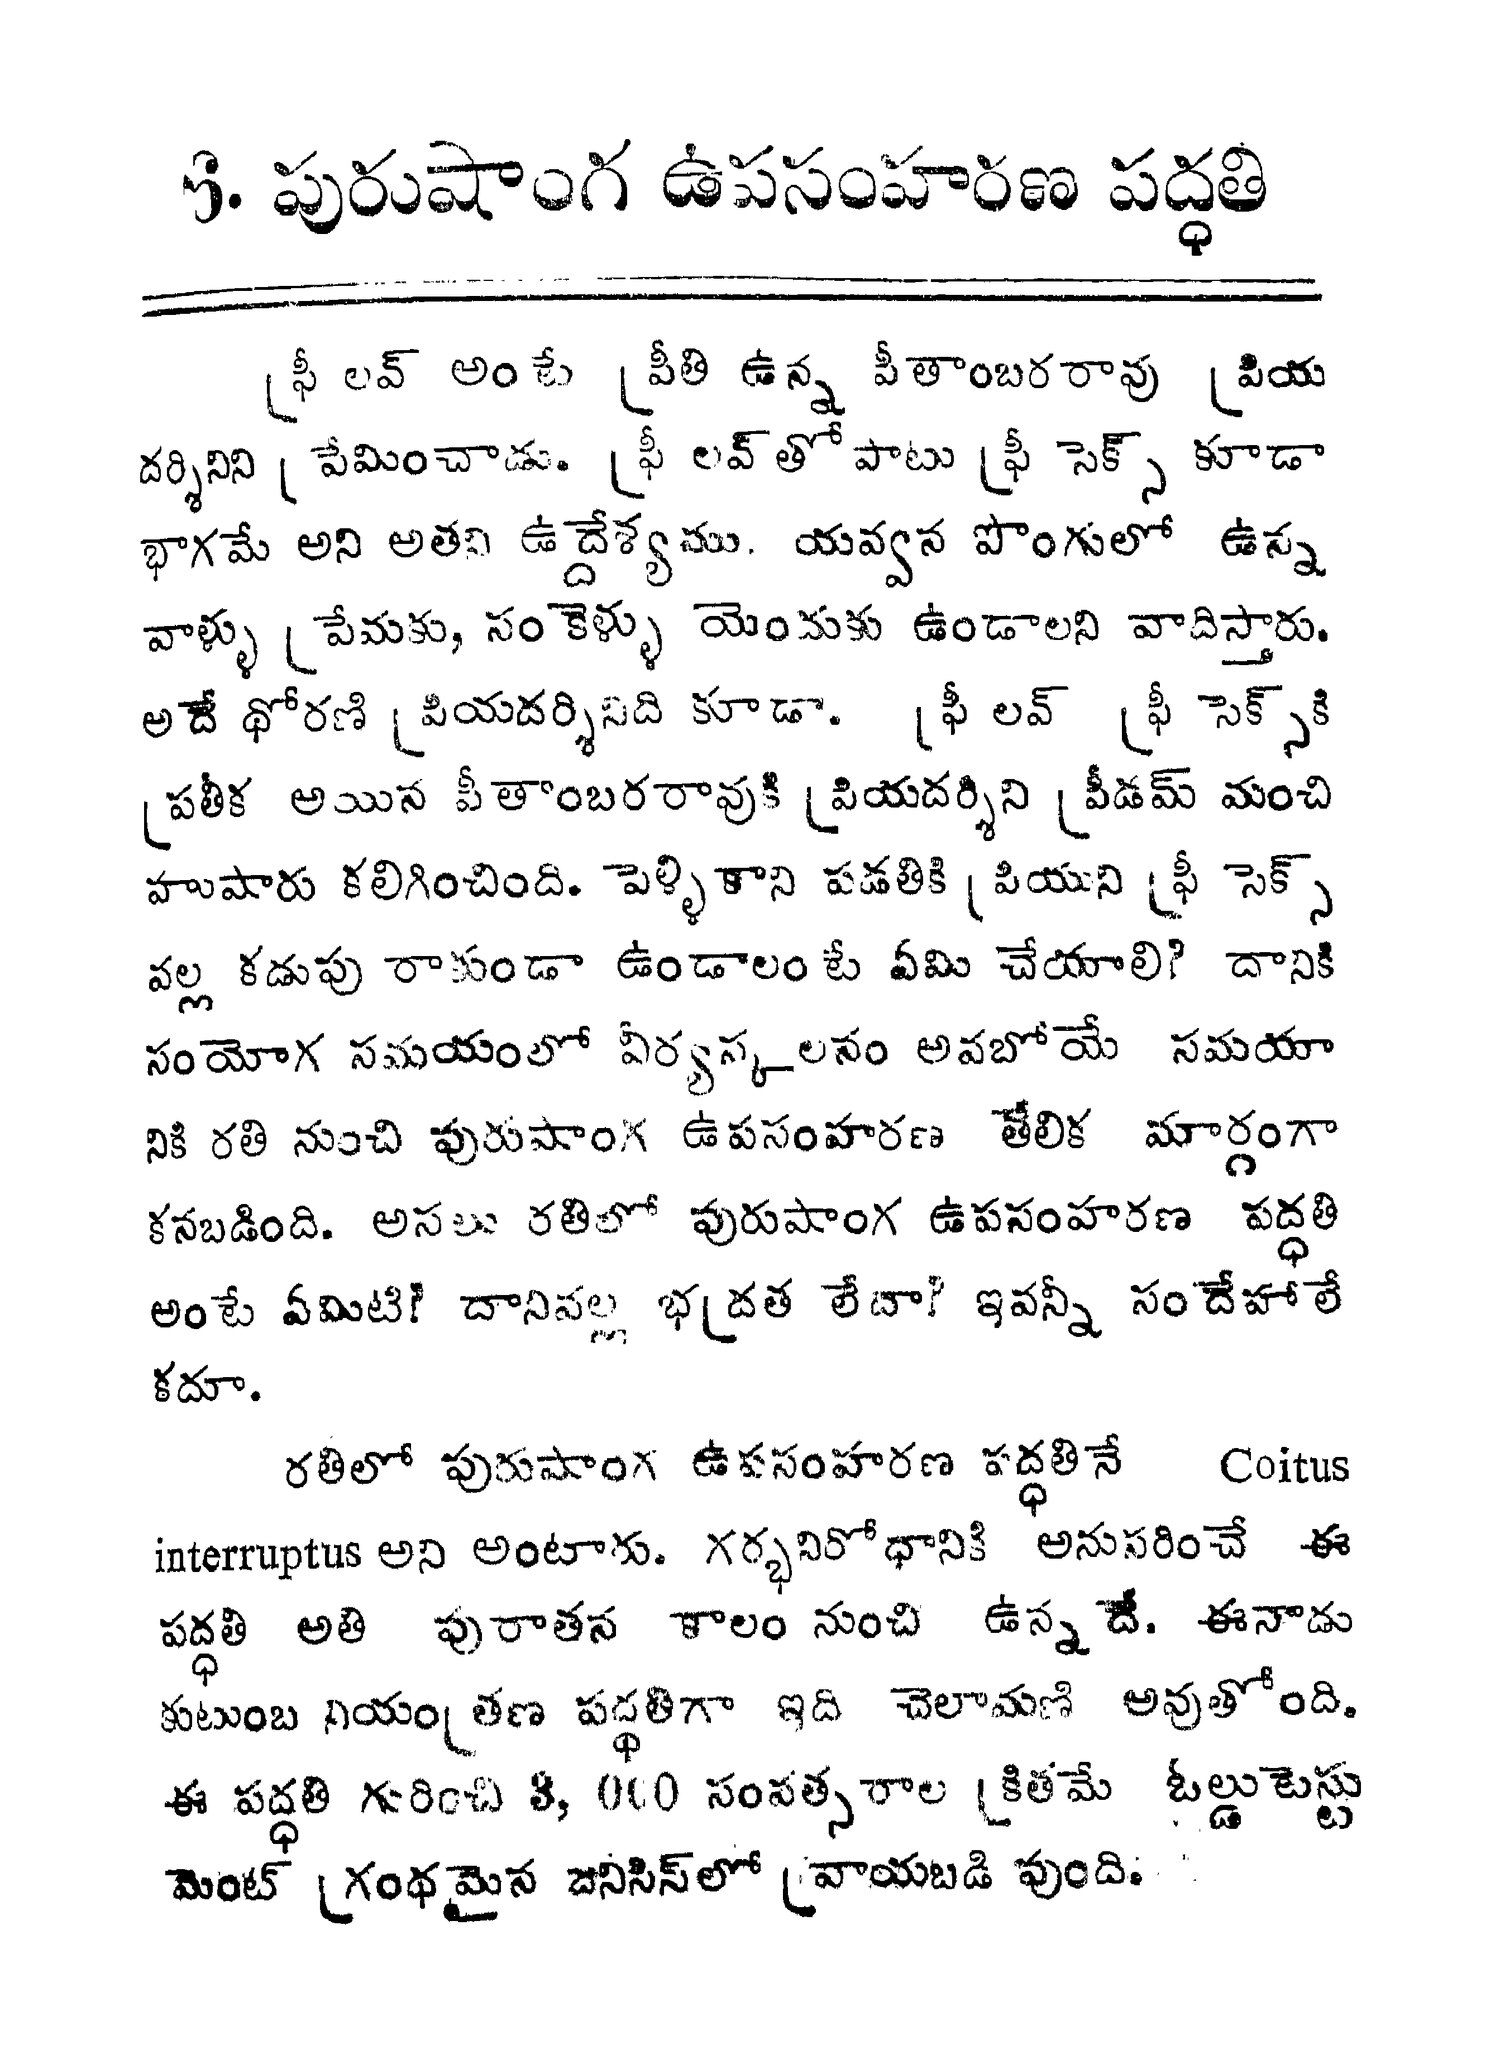ఫ్రీ లవ్ అంటే ప్రీతి ఉన్న పీతాంబరరావు ప్రియదర్శినిని ప్రేమించాడు. ఫ్రీ లవ్‌తో పాటు ఫ్రీ సెక్స్ కూడా భాగమే అని అతని ఉద్ద్యశ్యము. యవ్ఫన పొంగులో ఉన్న వాళ్ళు ప్రేమకు, సంకెళ్ళు యెందుకు ఉండాలని వాదిస్తారు. అదే ధోరణి ప్రియదర్శినిది కూడా. ఫ్రీ లవ్ ఫ్రీ సెక్స్ కి ప్రతీక అయిన పీతాంబరరావుకి ప్రియదర్శిని ఫ్రీడం నుంచి హుషారు కలిగించించి. పెళ్ళికాని పడతికి ప్రియుని ఫ్రీ సెక్స్ వల్ల కడుపు రాకుండా ఉండాలంటే ఏమి చేయాలి? దానికి సంయోగ సమయంలో వీర్యస్కలనం అవబోయే సమయానికి రతి నుంచి పురుషాంగ ఉపసంహరణ తేలిక మార్గంగా కనబడింది. అసలు రతిలో పురుషాంగ ఉపసంహరణ పద్ధతి అంటే ఏమిటి? దానివల్ల భద్రత లేదా? ఇవన్నీ సందేహాలే కదూ.
 
రతిలో పురుషాంగ ఉపసంహరన పద్దతినే Coitus interruptus అని అంటారు. గర్భనిరోధానికి అనుసరించే ఈ పద్దతి తి పురాతన కాలం నుంచి ఉన్నదే. ఈనాడు కుటుంబ నియంత్రణ పద్ధతిగా ఇది చెలామణి అవుతోంది. ఈ పద్ధతి గురించి 3,000 సంవత్సరాల క్రితమే ఓల్డుటెస్టుమెంట్ గ్రంధమైన జనిసిస్‌లో వ్రాయబడి వుంది.